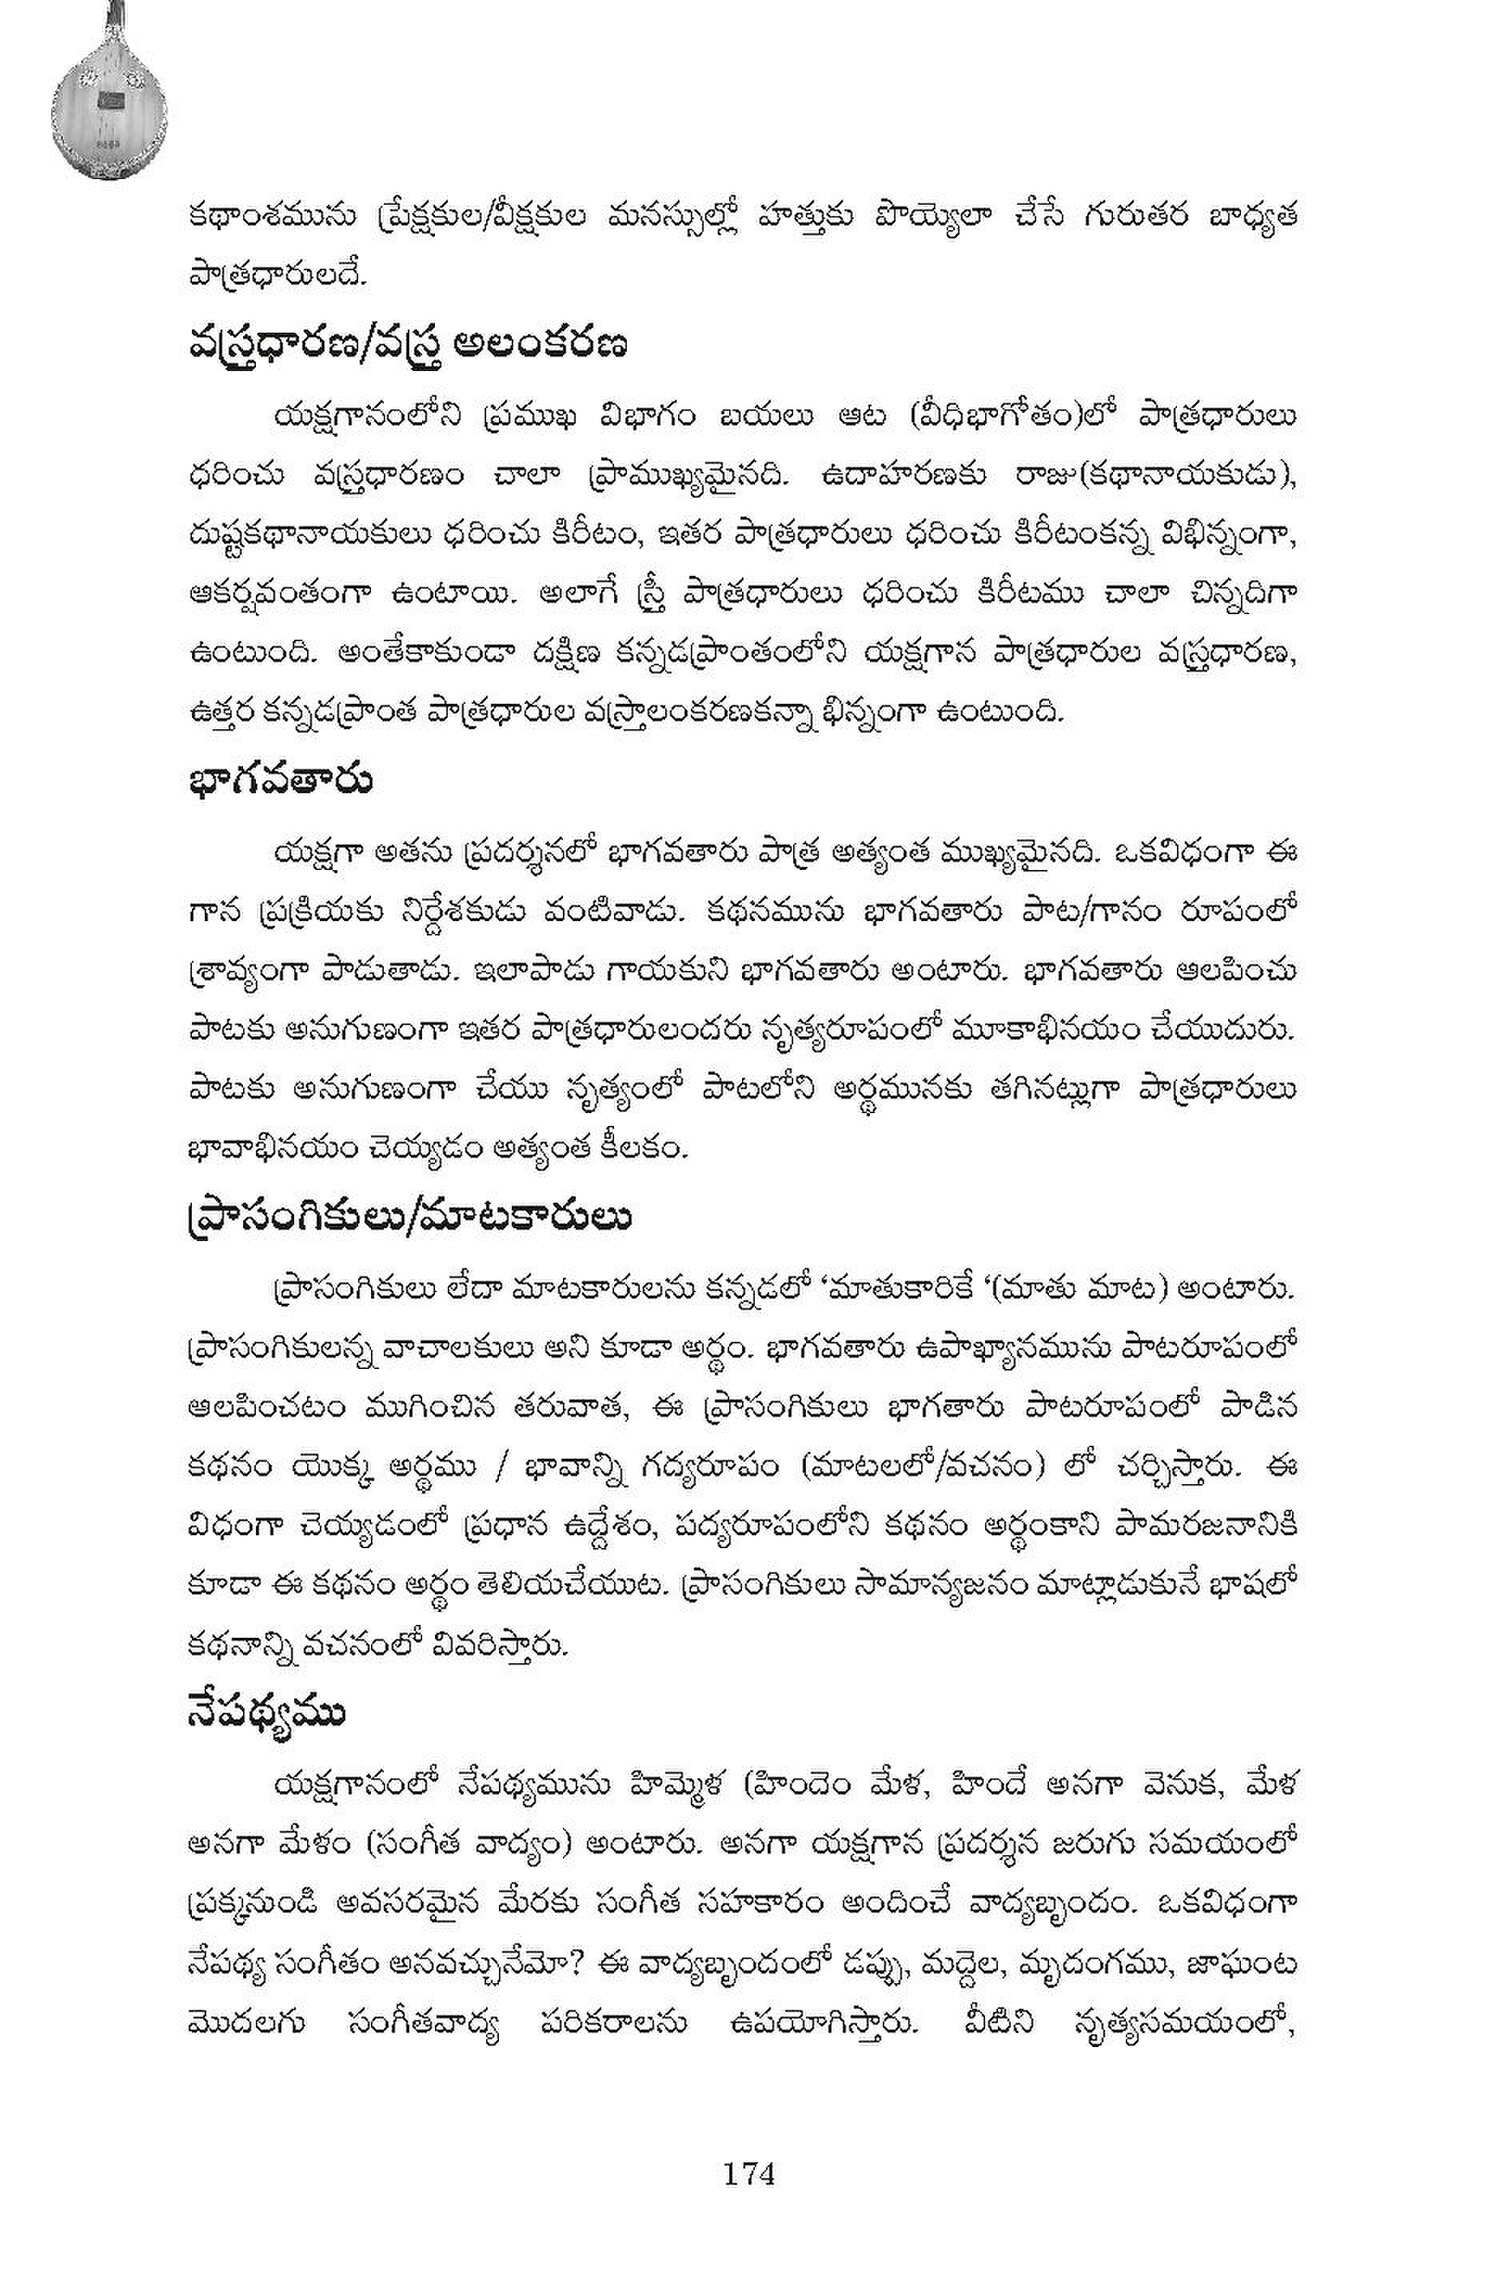కథాంశమును ప్రేక్షకుల/వీక్షకుల మనస్సుల్లో హత్తుకు పొయ్యెలా చేసే గురుతర బాధ్యత పాత్రధారులదే.

వస్త్రధారణ/వస్త్ర అలంకరణ 

యక్షగానంలోని ప్రముఖ విభాగం బయలు ఆట (వీధిభాగోతం) లో పాత్రధారులు ధరించు వస్త్రధారణం చాలా ప్రాముఖ్యమైనది. ఉదాహరణకు రాజు (కథానాయకుడు), దుష్టకథానాయకులు ధరించు కిరీటం, ఇతర పాత్రధారులు ధరించు కిరీటంకన్న విభిన్నంగా, ఆకర్షవంతంగా ఉంటాయి. అలాగే స్త్రీ పాత్రధారులు ధరించు కిరీటము చాలా చిన్నదిగా
ఉంటుంది. అంతేకాకుండా దక్షిణ కన్నడప్రాంతంలోని యక్షగాన పాత్రధారుల వస్త్రధారణ, ఉత్తర కన్నడప్రాంత పాత్రధారుల వస్త్రాలంకరణకన్నా భిన్నంగా ఉంటుంది.

భాగవతారు 

యక్షగా అతను ప్రదర్శనలో భాగవతారు పాత్ర అత్యంత ముఖ్యమైనది. ఒకవిధంగా ఈ గాన ప్రక్రియకు నిర్దేశకుడు వంటివాడు. కథనమును భాగవతారు పాట/గానం రూపంలో శ్రావ్యంగా పాడుతాడు. ఇలాపాడు గాయకుని భాగవతారు అంటారు. భాగవతారు ఆలపించు పాటకు అనుగుణంగా ఇతర పాత్రధారులందరు నృత్యరూపంలో మూకాభినయం చేయుదురు. పాటకు అనుగుణంగా చేయు నృత్యంలో పాటలోని అర్థమునకు తగినట్లుగా పాత్రధారులు భావాభినయం చెయ్యడం అత్యంత కీలకం.

ప్రాసంగికులు/మాటకారులు 

ప్రాసంగికులు లేదా మాటకారులను కన్నడలో 'మాతుకారికే '(మాతు మాట) అంటారు. ప్రాసంగికులన్న వాచాలకులు అని కూడా అర్థం. భాగవతారు ఉపాఖ్యానమును పాటరూపంలో ఆలపించటం ముగించిన తరువాత, ఈ ప్రాసంగికులు భాగతారు పాటరూపంలో పాడిన కథనం యొక్క అర్థము / భావాన్ని గద్యరూపం (మాటలలో/వచనం) లో చర్చిస్తారు. ఈ విధంగా చెయ్యడంలో ప్రధాన ఉద్దేశం, పద్యరూపంలోని కథనం అర్థంకాని పామరజనానికి కూడా ఈ కథనం అర్థం తెలియచేయుట. ప్రాసంగికులు సామాన్యజనం మాట్లాడుకునే భాషలో కథనాన్ని వచనంలో వివరిస్తారు.

నేపథ్యము 

యక్షగానంలో నేపథ్యమును హిమ్మెళ (హిందెం మేళ, హిందే అనగా వెనుక, మేళ అనగా మేళం (సంగీత వాద్యం) అంటారు. అనగా యక్షగాన ప్రదర్శన జరుగు సమయంలో ప్రక్కనుండి అవసరమైన మేరకు సంగీత సహకారం అందించే వాద్యబృందం. ఒకవిధంగా నేపథ్య సంగీతం అనవచ్చునేమో? ఈ వాద్యబృందంలో డప్పు, మద్దెల, మృదంగము, జాఘంట మొదలగు సంగీతవాద్య పరికరాలను ఉపయోగిస్తారు. వీటిని నృత్యసమయంలో,